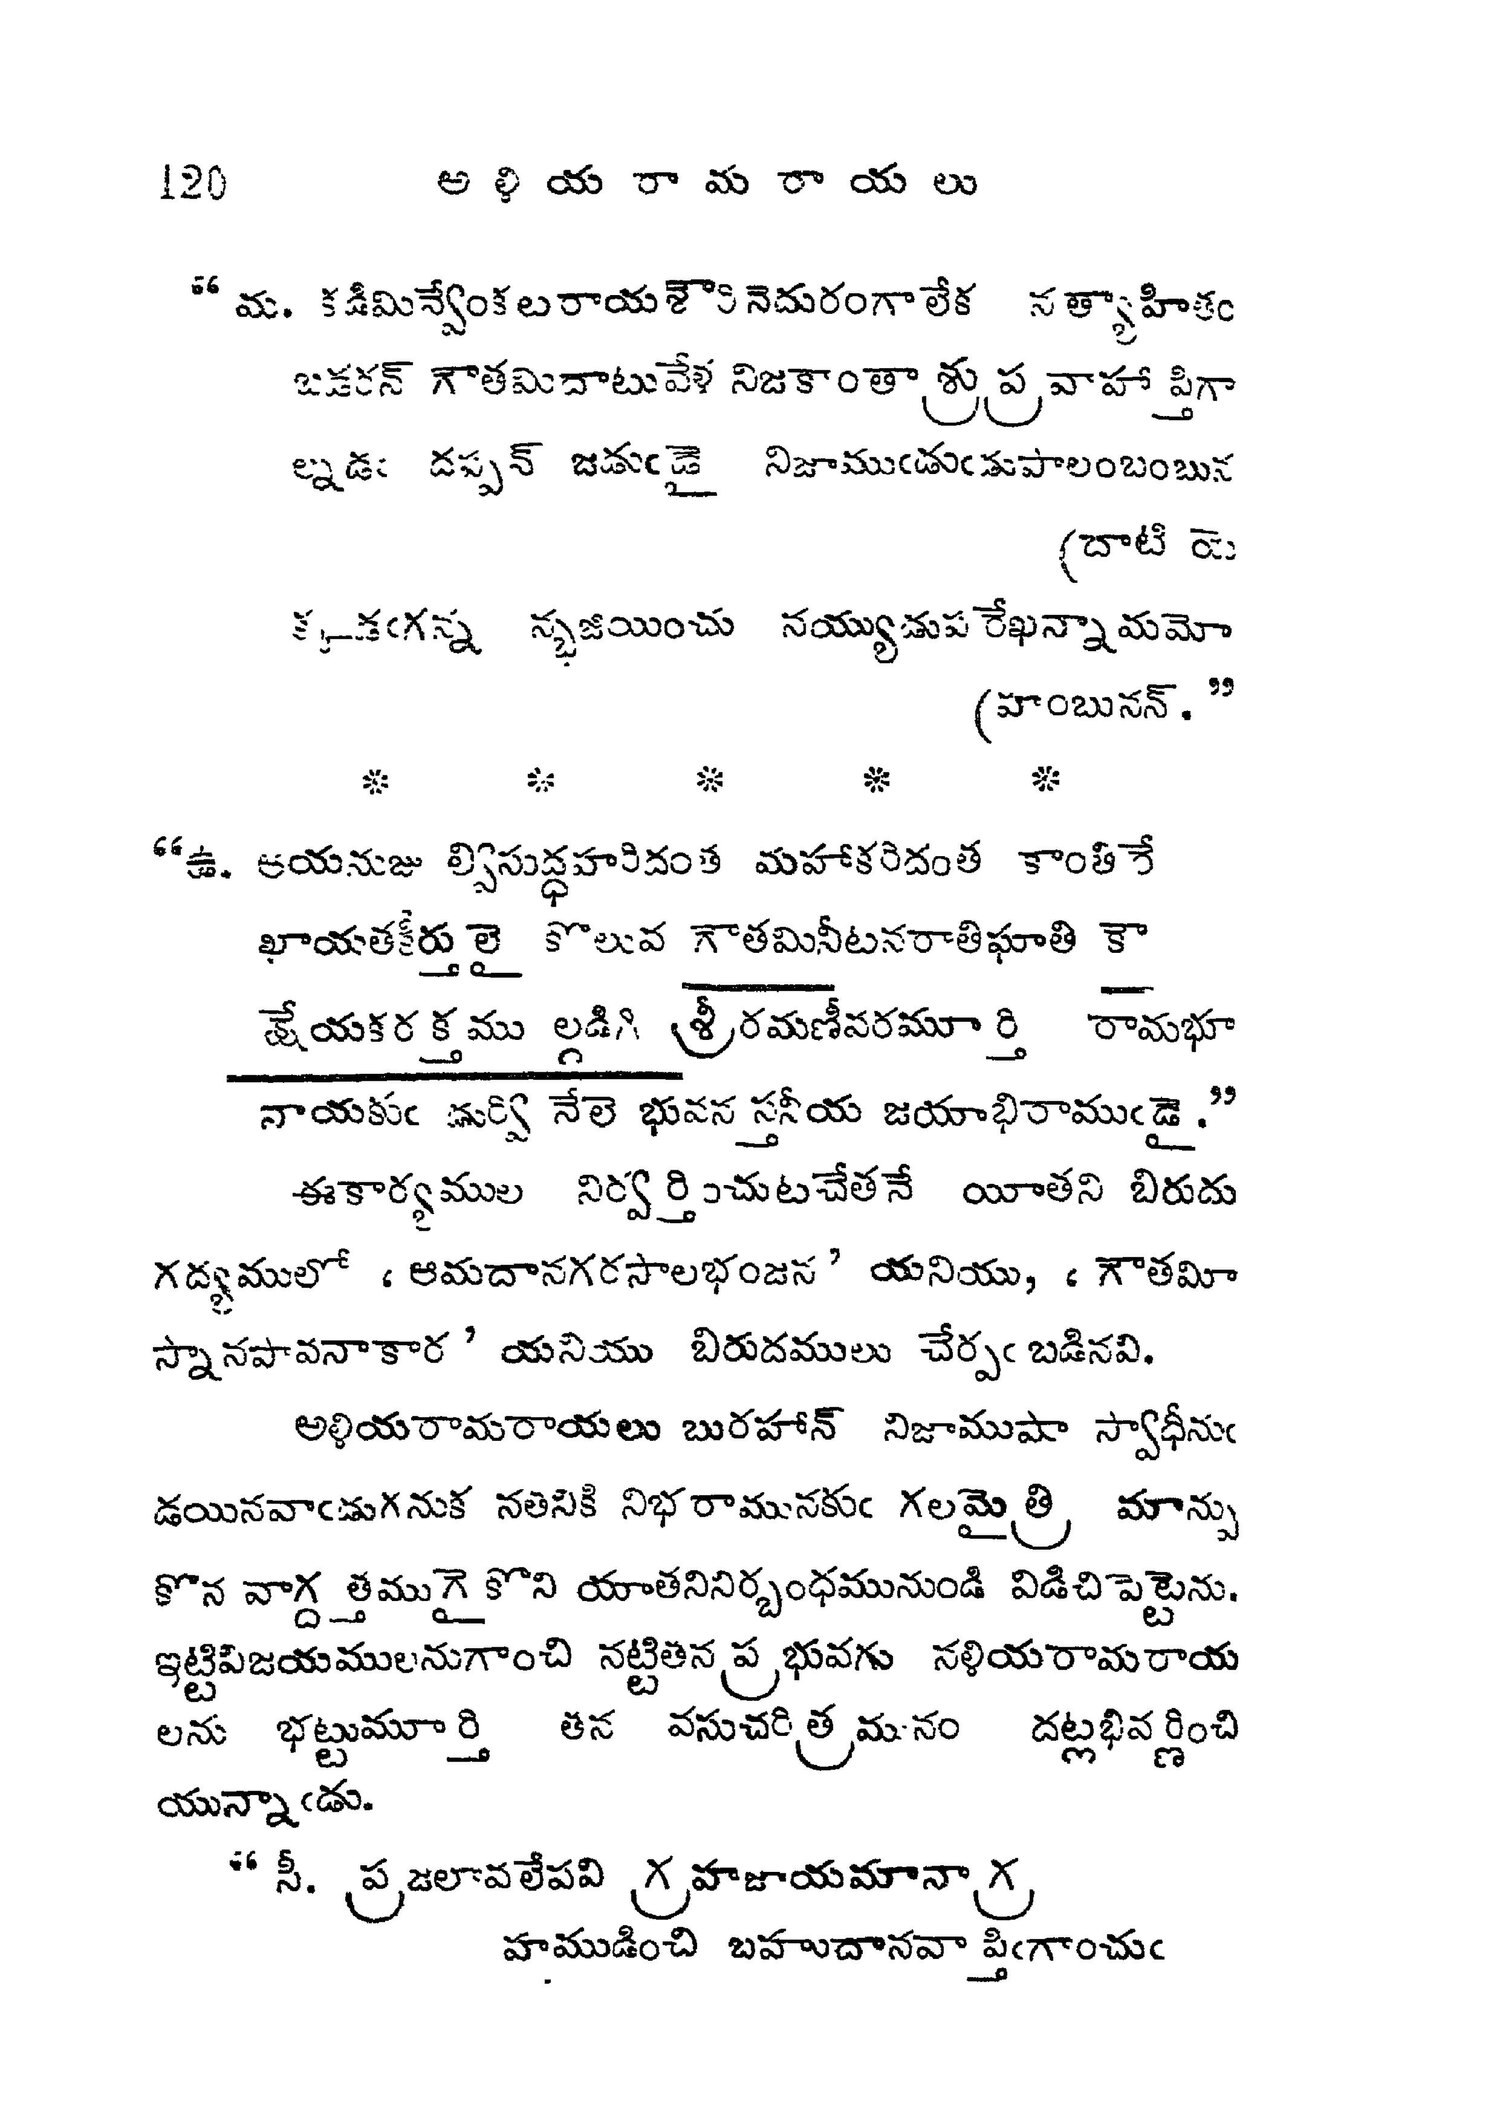"మ. కడిమివ్వేంకటరాయశౌరినెదురంగలేక సత్యాహితం
 బడరన్ గౌతమిదాటువేళ నిజకాంతాశ్రుప్రవాహాప్తిగా
 ల్నడ దప్పన్ జడుడై నిజాముడుడుపాలంబున దాటి యె
 క్కడగన్న న్భజియించు నయ్యుడుపరేఖన్నామమోహంబునన్."

 "ఉ. ఆయనుజు ల్విసుద్ధహరిదంత మహాకరిదంత కాంతిరే
 ఖాయతకీర్తులై కొలువ గౌతమినీటనరాతిఘాతి కౌ
 క్షేయకరక్తము ల్గడిగి శ్రీరమణీవరమూర్తి రామభూ
 నాయకు డుర్వి నేలె భువనస్తనీయ జయాభిరాముడై."

ఈకార్యముల నిర్వర్తించుటచేతనే యీతని బిరుదు గద్యములో 'ఆమదానగరసాలభంజన' యనియు, 'గౌతమీస్నానపావనాకార' యనియు బిరుదములు చేర్ప బడినవి.

అళియరామరాయలు బురహాన్ నిజాముషా స్వాధీనుడయినవాడుగనుక నతనికి నిభరామునకు గలమైత్రి మాన్పుకొన వాగ్దత్తముగైకొని యాతనినిర్బంధమునుండి విడిచిపెట్టెను. ఇట్టివిజయములనుగాంచి నట్టితనప్రభువగు నళియరామరాయలను భట్టుమూర్తి తన వసుచరిత్రమునం దట్లభివర్ణించి యున్నాడు.

 "సీ. ప్రజలావలేపవి గ్రహజాయమానాగ్ర
 హముడించి బహుదానవాప్తిగాంచు